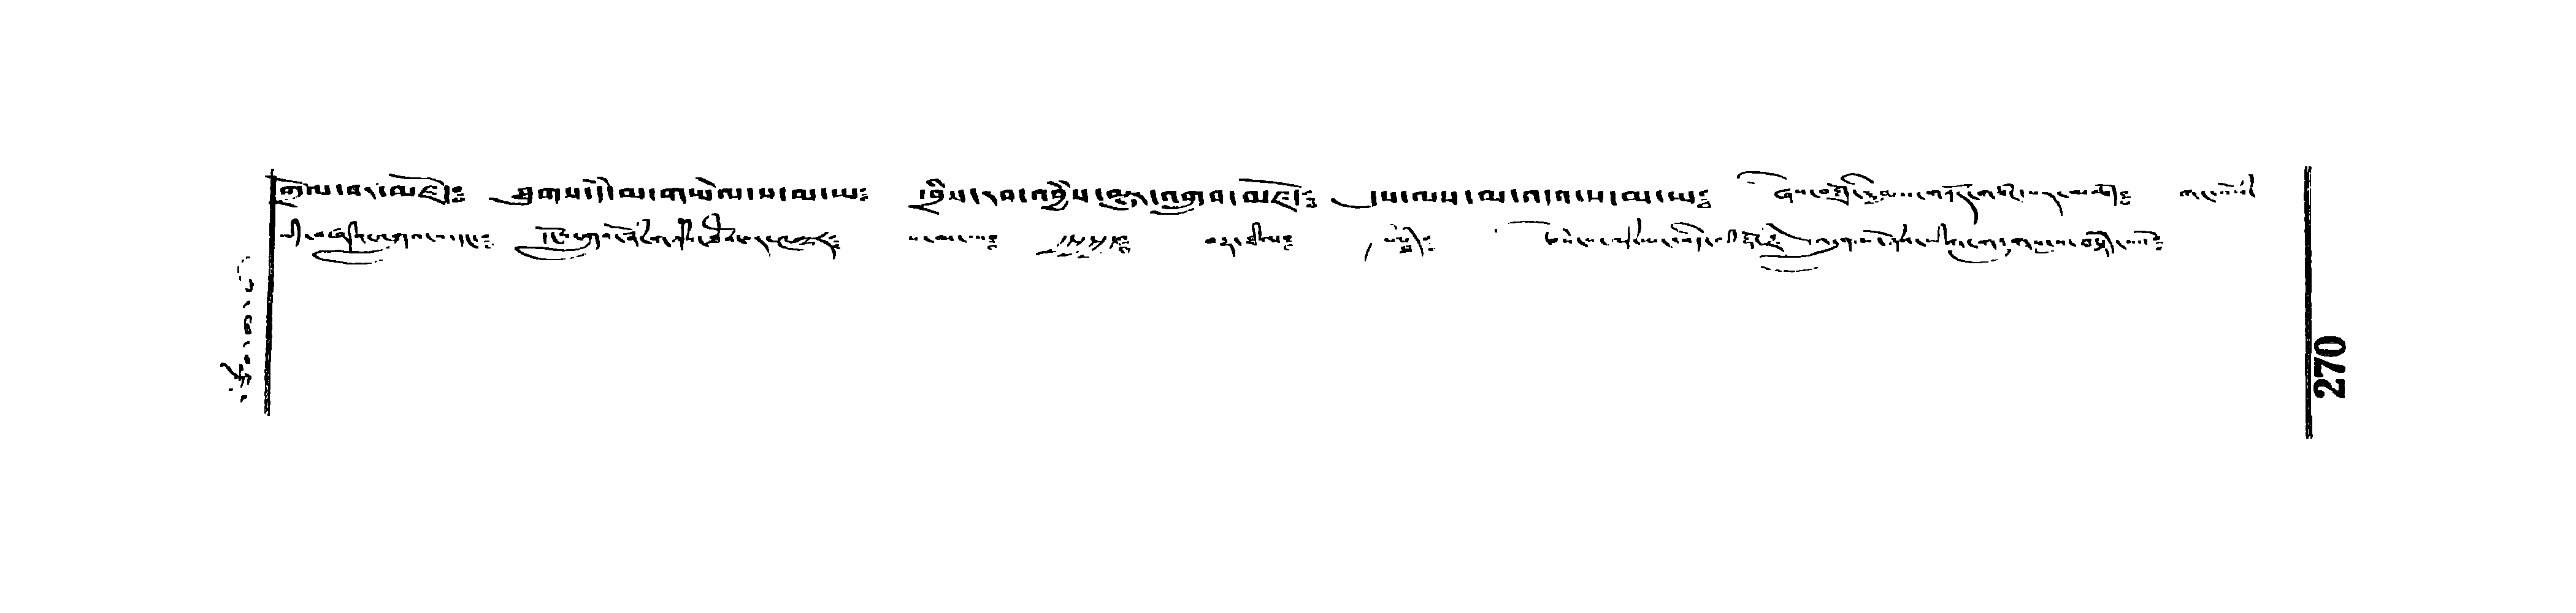གྲོལ་བར་མཛོད༔ ཐུགས་དམ་མ་གཡེལ་ས་མ་ཡ༔ ཕྲིན་ལས་རབ་འབྱམས་མྱུར་འགྲུབ་མཛོད༔ དུས་ལས་མ་འདའ་ས་མ་ཡ༔ ཞེས་བརྗོད་སྐྱེམས་གཏོར་གཙང་སར་མཆོད༔གང་བསམ་
ཡིད་བཞིན་འགྲུབ་པ་དང༔ དངོས་གྲུབ་རྣམ་གཉིས་འཐོབ་པར་འགྱུར༔ ས་མ་ཡ༔ རྒྱ་རྒྱ་རྒྱ༔ བརྡ་ཐིམ༔ ༔ ཅེས་པ་འདི་ཡང་བདེ་བའི་རྡོ་རྗེས་འཁྲུལ་ཉམས་ཡིག་གཟུགས་སུ་བཀོད་པའོ།།